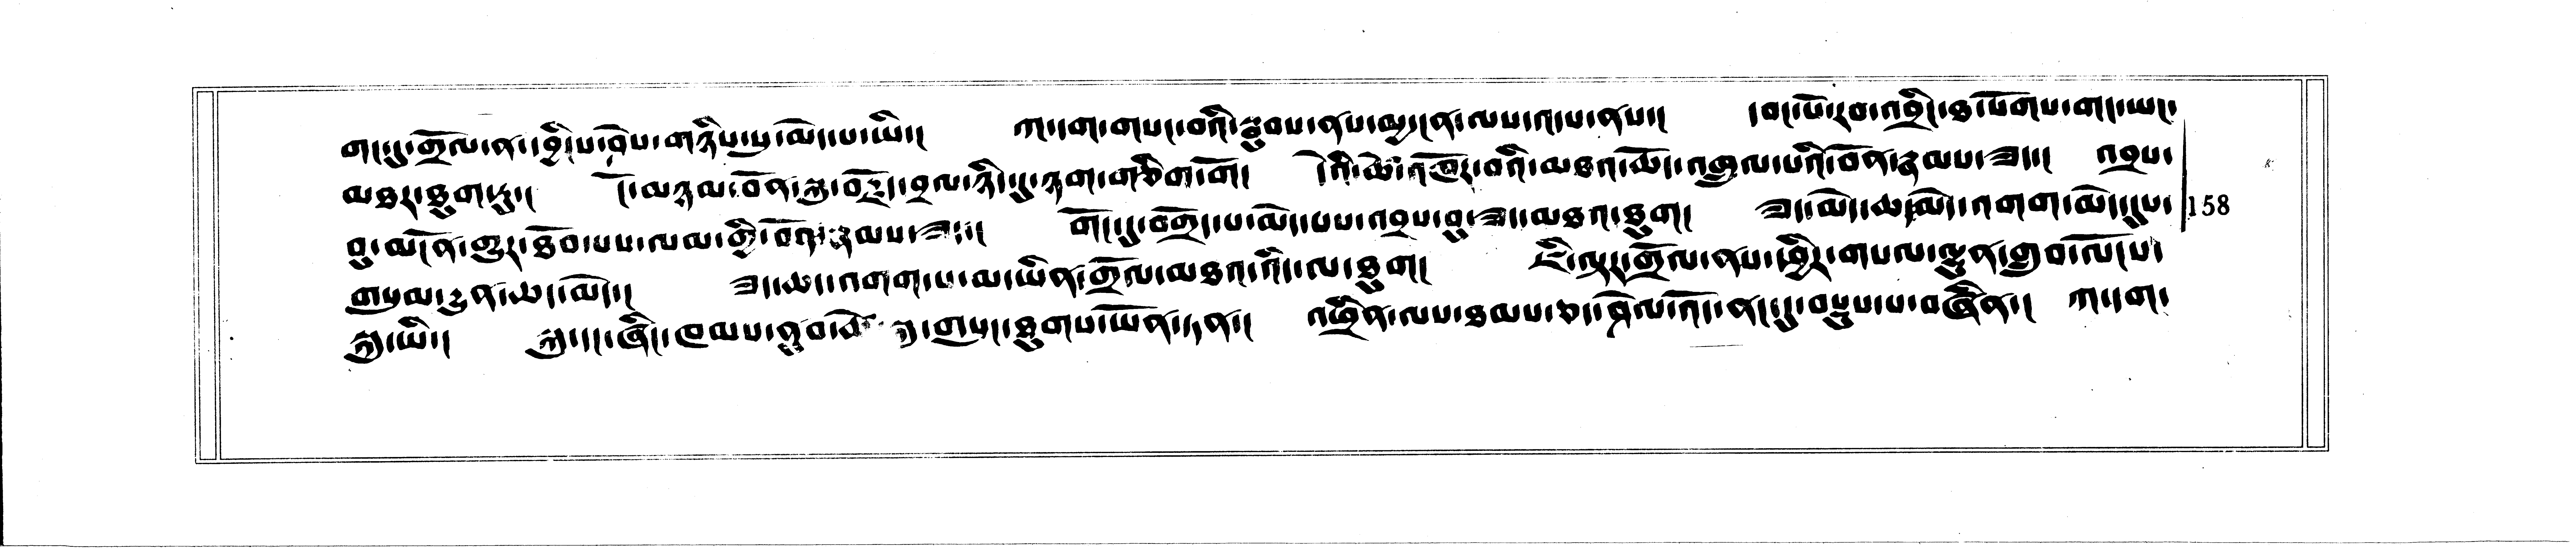གང་དུ་གྲོལ་ན་དབྱིངས་ཤེས་གཉིས་སུ་མེད་པ་ཡི། །ཀ་དག་གསང་བའི་སྦུབས་ནས་མྱ་ངན་ལས་འདས་ནས། །དབང་པོ་རབ་འབྲིང་ཐ་སོགས་གང་ཡང་
མཐར་ཐུག་ཏུ། །ངོ་མཉམ་བོན་སྐུ་བརྗོད་བྲལ་ཉིད་དུ་ཉག་གཅིག་གོ །དེའི་ཚེ་འཁོར་བའི་མཐའ་ཆོད་འཁྲུལ་པའི་བོན་རྣམས་ཟད། །འབྲས་
བུ་མངོན་གྱུར་ཐོབ་པས་ལམ་གྱི་བོན་རྣམས་ཟད། །གོང་དུ་བགྲོད་པ་མེད་པས་འབྲས་བུ་ཟད་མཐའ་ཐུག །ཟད་མེད་ཆད་མེད་འགག་མེད་དུས་
གསུམ་རྒྱུན་ཆད་མེད། །ཟད་ཆད་འགག་པ་མ་ཡིན་གྲོལ་མཐའ་འདི་ལ་ཐུག །ཇི་ལྟར་གྲོལ་ནས་ཕྱིར་གསལ་ལྷུན་གྲུབ་ལོངས་
སྐུ་ཡི། །སྐུ་དང་ཞིང་ཁམས་ནུབ་ཚེ་སྐུ་གསུང་ཐུགས་ཡོན་ཏན། །འཕྲིན་ལས་ཐམས་ཅད་ཤེལ་འོད་ནང་དུ་བསྡུས་པ་བཞིན། །ཀ་དག་